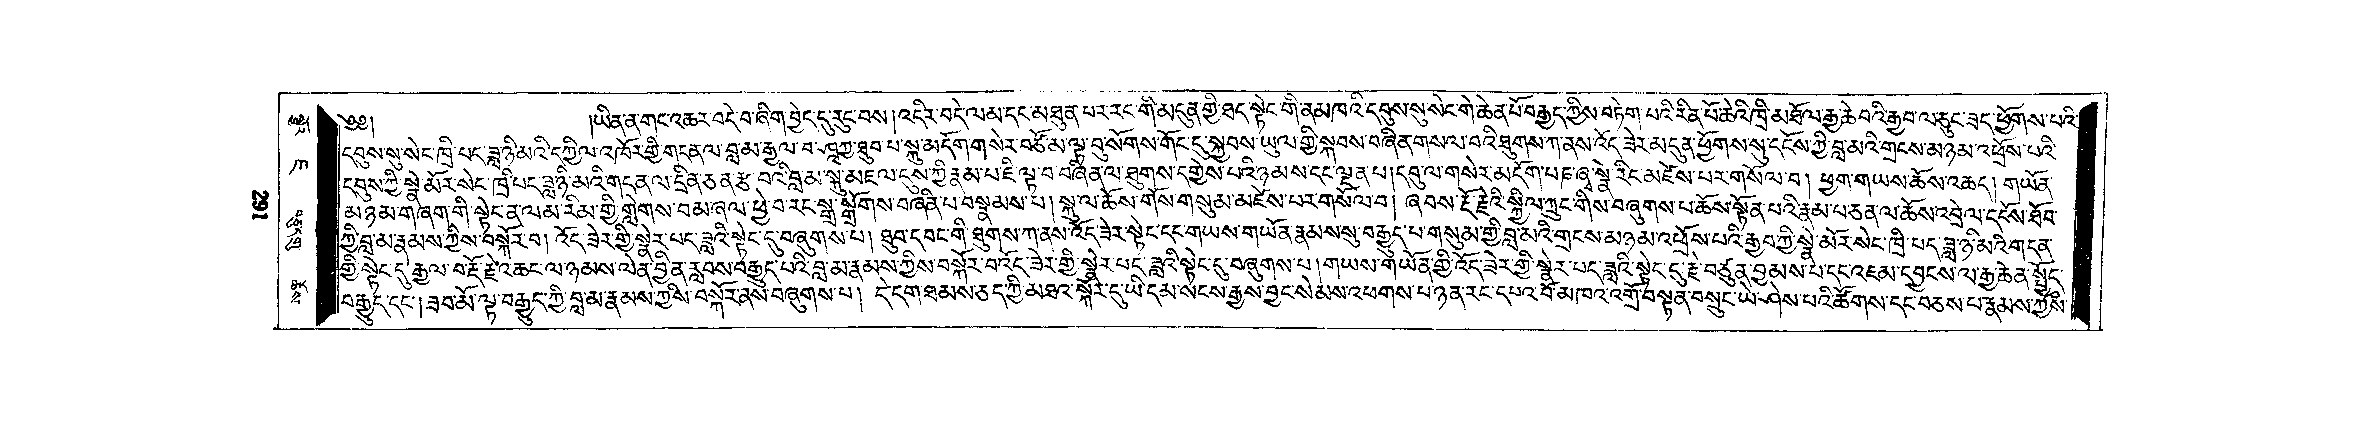༄༅། །ཡིན་ན་གང་འཆར་བདེ་བ་ཞིག་བྱེད་དུ་རུང་བས། འདིར་བདེ་ལམ་དང་མཐུན་པར་རང་གི་མདུན་གྱི་ཐད་སྟེང་གི་ནམ་མཁའི་དབུས་སུ་སེང་གེ་ཆེན་པོ་བརྒྱད་ཀྱིས་བཏེག་པའི་རིན་པོ་ཆེའི་ཁྲི་མཐོལ་རྒྱ་ཆེ་བའི་རྒྱབ་ལ་ཅུང་ཟད་ཕྱོགས་པའི་
དབུས་སུ་སེང་ཁྲི་པད་ཟླ་ཉི་མའི་དཀྱིལ་འཁོར་གྱི་གདན་ལ་བླ་མ་རྒྱལ་བ་ཤཱཀྱ་ཐུབ་པ་སྐུ་མདོག་གསེར་བཙོ་མ་ལྟ་བུ་སོགས་གོང་དུ་སྐྱབས་ཡུལ་གྱི་སྐབས་བཞིན་གསལ་བའི་ཐུགས་ཀ་ནས་འོད་ཟེར་མདུན་ཕྱོགས་སུ་དངོས་ཀྱི་བླ་མའི་གྲངས་མཉམ་འཕྲོས་པའི་
དབུས་ཀྱི་སྣེ་མོར་སེང་ཁྲི་པད་ཟླ་ཉི་མའི་གདན་ལ་དྲིན་ཅན་རྩ་བའི་བླ་མ་སྐུ་མཇལ་དུས་ཀྱི་རྣམ་པ་ཇི་ལྟ་བ་བཞིན་ལ་ཐུགས་དགྱེས་པའི་ཉམས་དང་ལྡན་པ། དབུ་ལ་གསེར་མདོག་པཎ་ཞྭ་སྣེ་རིང་མཛེས་པར་གསོལ་བ། ཕྱག་གཡས་ཆོས་འཆད། གཡོན་
མཉམ་གཞག་གི་སྟེང་ན་ལམ་རིམ་གྱི་གླེགས་བམ་ཞལ་ཕྱེ་བ་རང་སྒྲ་སྒྲོགས་བཞིན་པ་བསྣམས་པ། སྐུ་ལ་ཆོས་གོས་གསུམ་མཛེས་པར་གསོལ་བ། ཞབས་རྡོ་རྗེའི་སྐྱིལ་ཀྲུང་གིས་བཞུགས་པ་ཆོས་སྟོན་པའི་རྣམ་པ་ཅན་ལ་ཆོས་འབྲེལ་དངོས་ཐོབ་
ཀྱི་བླ་མ་རྣམས་ཀྱིས་བསྐོར་བ། འོད་ཟེར་གྱི་སྣེར་པད་ཟླའི་སྟེང་དུ་བཞུགས་པ། ཐུབ་དབང་གི་ཐུགས་ཀ་ནས་འོད་ཟེར་སྟེང་དང་གཡས་གཡོན་རྣམས་སུ་བརྒྱུད་པ་གསུམ་གྱི་བླ་མའི་གྲངས་མཉམ་འཕྲོས་པའི་རྒྱབ་ཀྱི་སྣེ་མོར་སེང་ཁྲི་པད་ཟླ་ཉི་མའི་གདན་
གྱི་སྟེང་དུ་རྒྱལ་བ་རྡོ་རྗེ་འཆང་ལ་ཉམས་ལེན་བྱིན་རླབས་བརྒྱུད་པའི་བླ་མ་རྣམས་ཀྱིས་བསྐོར་བ་འོད་ཟེར་གྱི་སྣེར་པད་ཟླའི་སྟེང་དུ་བཞུགས་པ། གཡས་གཡོན་གྱི་འོད་ཟེར་གྱི་སྣེར་པད་ཟླའི་སྟེང་དུ་རྗེ་བཙུན་བྱམས་པ་དང་འཇམ་དབྱངས་ལ་རྒྱ་ཆེན་སྤྱོད་
བརྒྱུད་དང་། ཟབ་མོ་ལྟ་བརྒྱུད་ཀྱི་བླ་མ་རྣམས་ཀྱིས་བསྐོར་ནས་བཞུགས་པ། དེ་དག་ཐམས་ཅད་ཀྱི་མཐའ་སྐོར་དུ་ཡི་དམ་སངས་རྒྱས་བྱང་སེམས་འཕགས་པ་ཉན་རང་དཔའ་བོ་མཁའ་འགྲོ་བསྟན་བསྲུང་ཡེ་ཤེས་པའི་ཚོགས་དང་བཅས་པ་རྣམས་ཀྱིས་